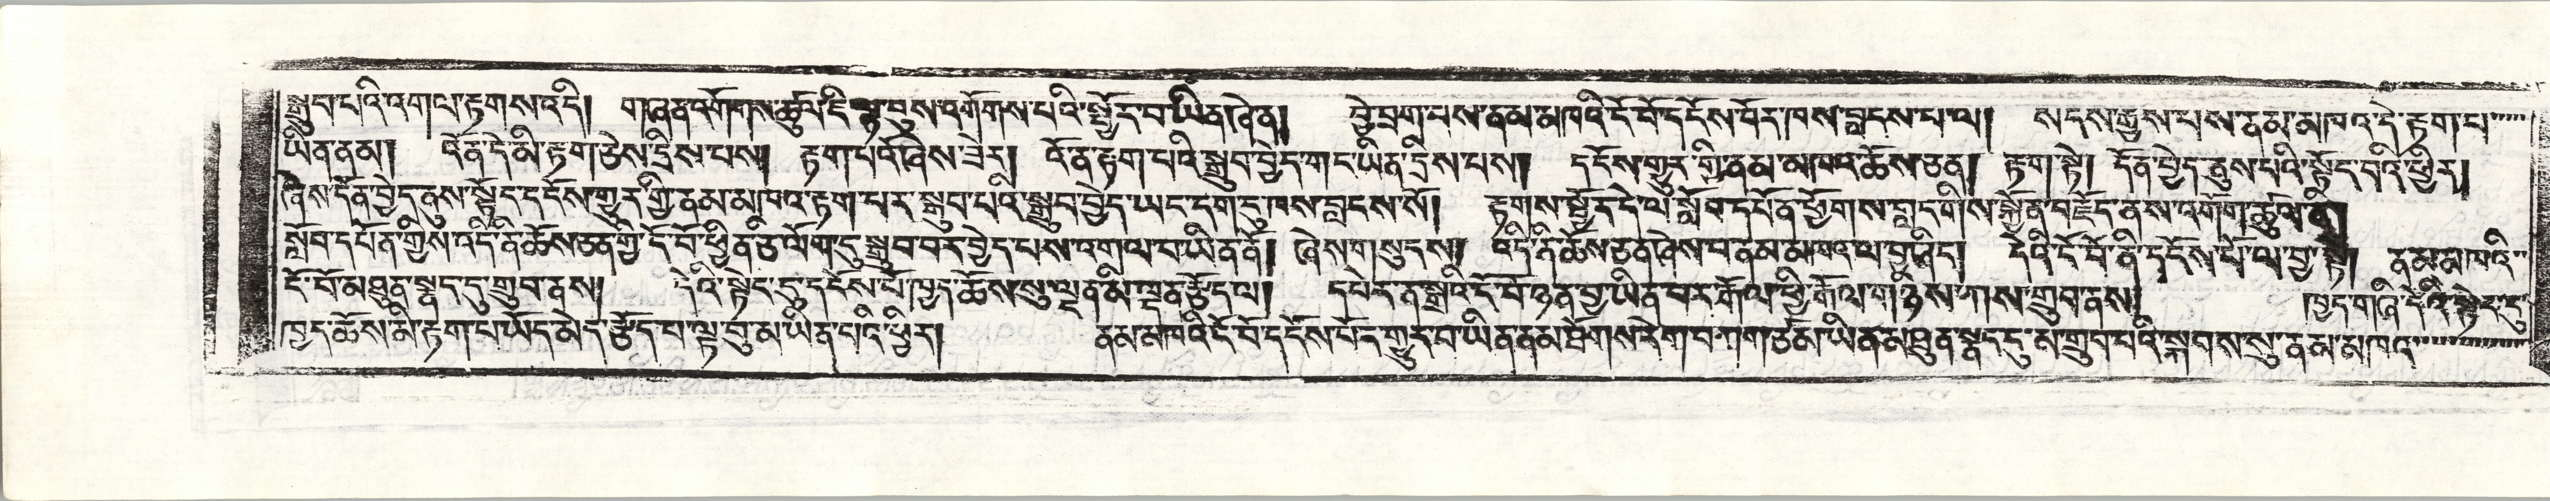སྒྲུབ་པའི་འགལ་རྟགས་འདི། གཞན་འགོག་ཚུལ་ཇི་ལྟ་བུས་འགོག་པའི་སྦྱོར་བ་ཡིན་ཞེ་ན། བྱེ་བྲག་པས་ནམ་མཁའི་ངོ་བོ་དངོས་པོར་ཁས་བླངས་པ་ལ། སངས་རྒྱས་པས་ནམ་མཁའ་དེ་རྟག་པ་
ཡིན་ནམ། འོན་དེ་མི་རྟག་ཅེས་དྲིས་པས། རྟག་པའོ་ཞེས་ཟེར། འོ་ན་རྟག་པའི་སྒྲུབ་བྱེད་གང་ཡིན་དྲིས་པས། དངོས་གྱུར་གྱི་ནམ་མཁའ་ཆོས་ཅན། རྟག་སྟེ། དོན་བྱེད་ནུས་པའི་སྟོང་བའི་ཕྱིར།
ཞེས་དོན་བྱེད་ནུས་སྟོང་དངོས་གྱུར་གྱི་ནམ་མཁའ་རྟག་པར་སྒྲུབ་པའི་སྒྲུབ་བྱེད་ཡང་དག་དུ་ཁས་བླངས་སོ། །རྟགས་སྦྱོར་དེ་ལ་སློབ་དཔོན་ཕྱོགས་གླང་གི་སྐྱོན་བརྗོད་ནས་འགོག་ཚུལ་ནི།
སློབ་དཔོན་གྱིས་འདི་ནི་ཆོས་ཅན་གྱི་ངོ་བོ་ཕྱིན་ཅི་ལོག་དུ་སྒྲུབ་པར་བྱེད་པས་འགལ་བ་ཡིན་ནོ། །ཞེས་གསུངས། འདི་ནི་ཆོས་ཅན་ཞེས་པ་ནམ་མཁའ་ལ་བྱ་ཞིང་། དེའི་ངོ་བོ་ནི་དངོས་པོ་ལ་བྱ་སྟེ། ནམ་མཁའི་
ངོ་བོ་མཐུན་སྣང་དུ་གྲུབ་ནས། དེའི་སྟེང་དུ་དངོས་པོ་ཁྱད་ཆོས་སུ་ལྡན་མི་ལྡན་རྩོད་ལ། དཔེར་ན་སྒྲའི་ངོ་བོ་ཉན་བྱ་ཡིན་པར་རྒོལ་ཕྱི་རྒོལ་གཉིས་ཀས་གྲུབ་ནས། ཁྱད་གཞི་དེའི་སྟེང་དུ་
ཁྱད་ཆོས་མི་རྟག་པ་ཡོད་མེད་རྩོད་པ་ལྟ་བུ་མ་ཡིན་པའི་ཕྱིར། ནམ་མཁའི་ངོ་བོ་དངོས་པོར་གྱུར་བ་ཡིན་ནམ་ཐོགས་རེག་བཀག་ཙམ་ཡིན་མཐུན་སྣང་དུ་མ་གྲུབ་པའི་སྐབས་སུ་ནམ་མཁའ་